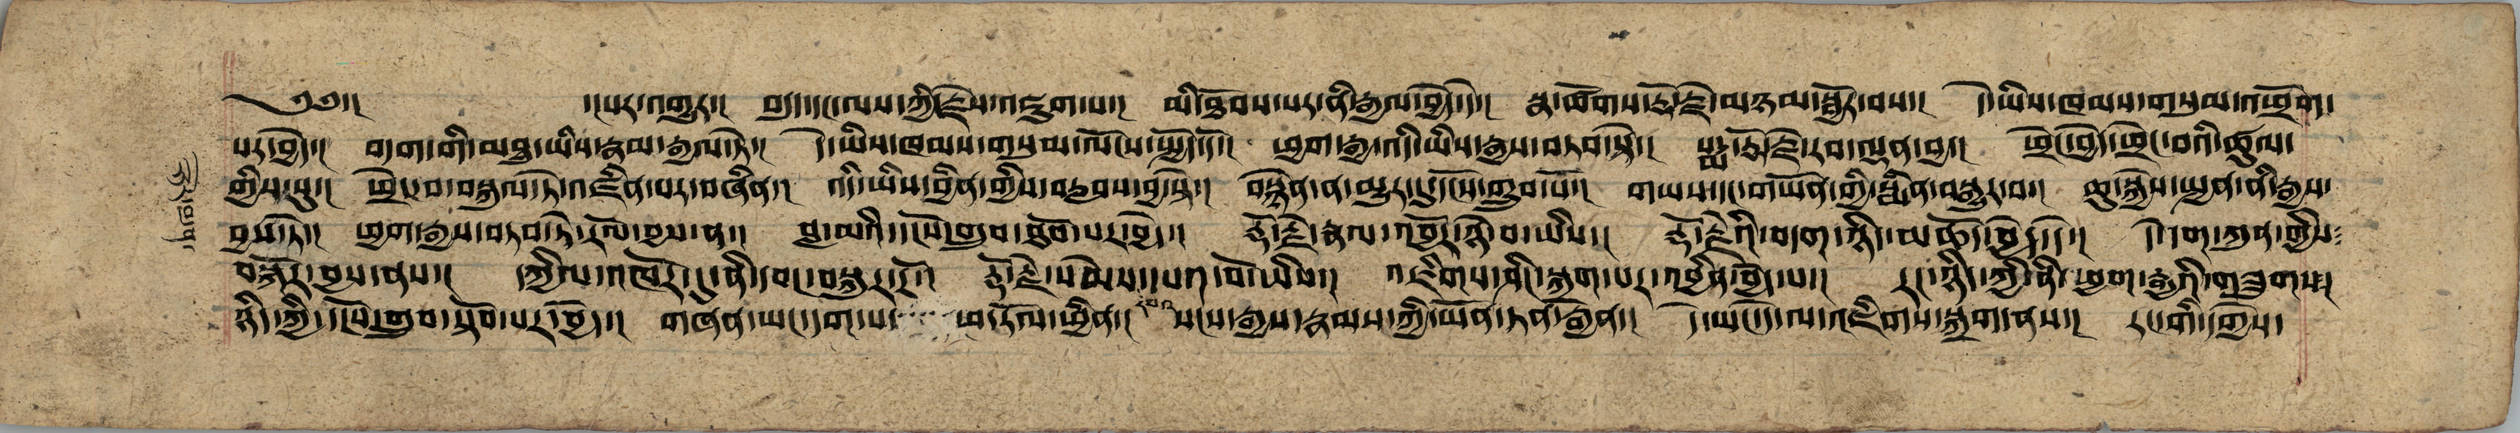༄༅་། ་།པར་འགྱུར་། བདུད་དང་ལས་ཀྱི་རྗེས་འཇུག་པ་། མི་ཐོབས་པར་ནི་རྒྱལ་བྱེད་དེ་། སྣ་ཚོགས་རྡོ་རྗེ་མཉམ་སྦྱོར་བས་། དེ་ཡིས་ཁམས་གསུམ་འཕྲོག་
པར་བྱེད་། བདག་གི་མཐུ་ཡིས་རྣམ་རྒྱལ་ཏེ་། དེ་ཡིས་ཁམས་གསུམ་ལོངས་སྤྱོད་དོ་། ཕྱག་རྒྱ་འདི་ཡིས་རྒྱས་བཏབ་སྟེ་། པདྨ་རྡོ་རྗེ་རབ་ལྡན་བྱ་། ཕྲེང་བྱེད་ཕྲེང་བའི་ཚུལ་
གྱིས་སུ་། ཕྲེང་བ་བསྐུལ་ཏེ་འཛིན་པར་བཞིན་། འདི་ཡིས་བྱིན་གྱིས་བརླབས་བྱ་སྟེ་། བསྙེན་ན་མྱུར་དུ་དངོས་གྲུབ་སོ་། གཡས་དང་གཡོན་གྱི་སྨིན་བསྒྱུར་བ་། ཆུ་སྐྱེས་སྤྱན་ནི་རྒྱས་
བྱས་ཏེ་། ཕྱག་རྒྱས་བཏབ་ཏེ་རོལ་བྱས་ན་། བླ་མའི་དངོས་གྲུབ་ཐོབ་པར་བྱེད་། རྡོ་རྗེ་རྣལ་འབྱོར་ཉེ་བ་ཡིས་། རྡོ་རྗེའི་བདག་ཉིད་མཆོད་བྱེད་དེ་། དེ་དག་ཀུན་གྱིས་
བསྐོར་བྱས་ནས་། དཀྱིལ་འཁོར་དུ་ནི་དབང་བསྐུར་རོ་། རྡོ་རྗེ་སེམས་དཔའ་བོ་ཡིས་། འཇིགས་ཤིང་སྐྲག་པར་འབྱིན་བྱེད་པ་། རང་ཉིད་ཀྱི་ནི་ཕྱག་རྒྱའི་གཟུགས།
ཉིད་ཀྱི་དངོས་གྲུབ་སྟོབ་པར་བྱེད་། གཞན་ཡང་དག་པ་་་་ཕ་རོལ་ཕྱིན་། སངས་རྒྱས་རྣམས་ཀྱི་ཡོན་ཏན་རྒྱན་། དེ་ཡང་དེ་ལ་འཇིགས་སྐྲག་ནས་། རང་གི་དགྱེས་